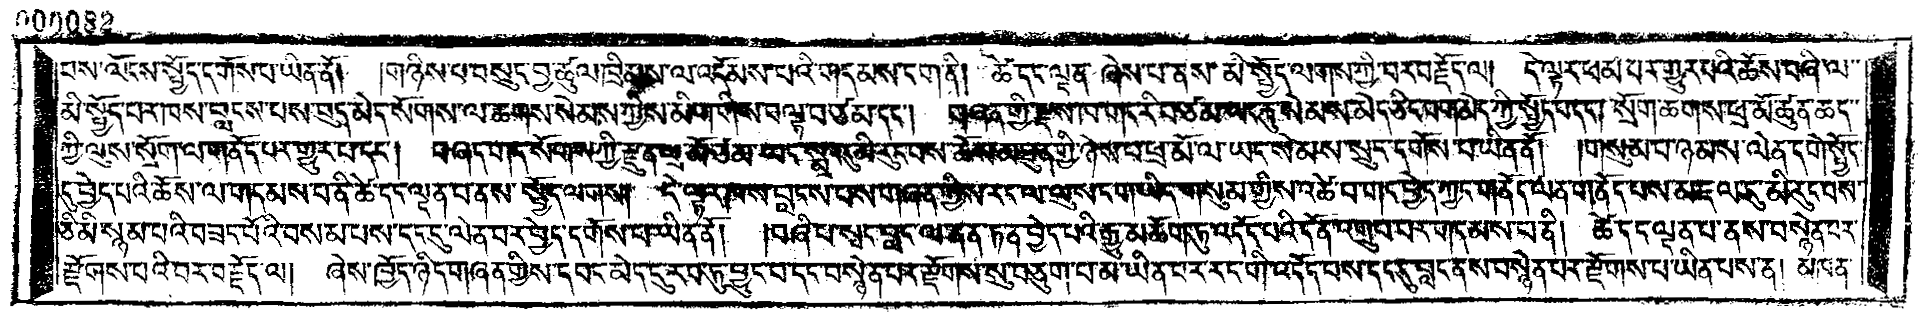པས་ལོངས་སྤྱོད་དགོས་པ་ཡིན་ནོ། །གཉིས་པ་བསྲུང་བྱ་ཚུལ་ཁྲིམས་ལ་འདོམས་པའི་གདམས་ངག་ནི། ཚེ་དང་ལྡན་ཞེས་པ་ནས་མི་སྤྱོད་ལགས་ཀྱི་བར་བརྗོད་ལ། དེ་ལྟར་ཕམ་པར་གྱུར་པའི་ཆོས་བཞི་ལ་
མི་སྤྱོད་པར་ཁས་བླངས་པས་བུད་མེད་སོགས་ལ་ཆགས་སེམས་ཀྱིས་མིག་གིས་བལྟ་བ་ཙམ་དང་། གཞན་གྱི་རྫས་ཁ་གང་རི་བ་ཙམ་ཡང་རྐུ་སེམས་མེད་ཅིང་བག་མེད་ཀྱི་སྤྱོད་པ་དང་། སྲོག་ཆགས་ཕྲ་མོ་ཚུན་ཆད་
ཀྱི་ལུས་སྲོག་ལ་གནོད་པར་གྱུར་པ་དང་། བཞད་གད་སོགས་ཀྱི་རྫུན་ཕྲ་མོ་ཙམ་ཡང་སྨྲར་དུ་མི་རུང་བས་ཆོས་མཐུན་གྱི་ཉེས་པ་ཕྲ་མོ་ལ་ཡང་སེམས་སྲུང་དགོས་པ་ཡིན་ནོ། །གསུམ་པ་ཉམས་ལེན་དགེ་སྤྱོད་
དུ་བྱེད་པའི་ཆོས་ལ་གདམས་པ་ནི་ཚེ་དང་ལྡན་པ་ནས་སྤྱོད་ལགས། དེ་ལྟར་ཁས་བླངས་པས་གཞན་གྱིས་རང་ལ་ལུས་ངག་ཡིད་གསུམ་གྱིས་འཚེ་བ་གང་བྱེད་ཀྱང་གནོད་ལན་གནོད་པས་མཇལ་དུ་མི་རུང་བས་
ཅི་མི་སྙམ་པའི་བཟང་པོའི་བསམ་པས་དང་དུ་ལེན་པར་བྱེད་དགོས་པ་ཡིན་ནོ། །བཞི་པ་སྤང་བླང་ལ་ནན་ཏན་བྱེད་པའི་རྒྱུ་མཆོག་ཏུ་འདོད་པའི་དོན་འགྲུབ་པར་གདམས་པ་ནི། ཚེ་དང་ལྡན་པ་ནས་བསྙེན་པར་
རྫོགས་པའི་བར་བརྗོད་ལ། ཞེས་ཁྱོད་ཉིད་གཞན་གྱིས་དབང་མེད་དུ་རབ་ཏུ་བྱུང་བ་དང་བསྙེན་པར་རྫོགས་སུ་བཅུག་པ་མ་ཡིན་པར་རང་གི་འདོད་པས་དང་དུ་བླང་ནས་བསྙེན་པར་རྫོགས་པ་ཡིན་པས་ན། མཁན་